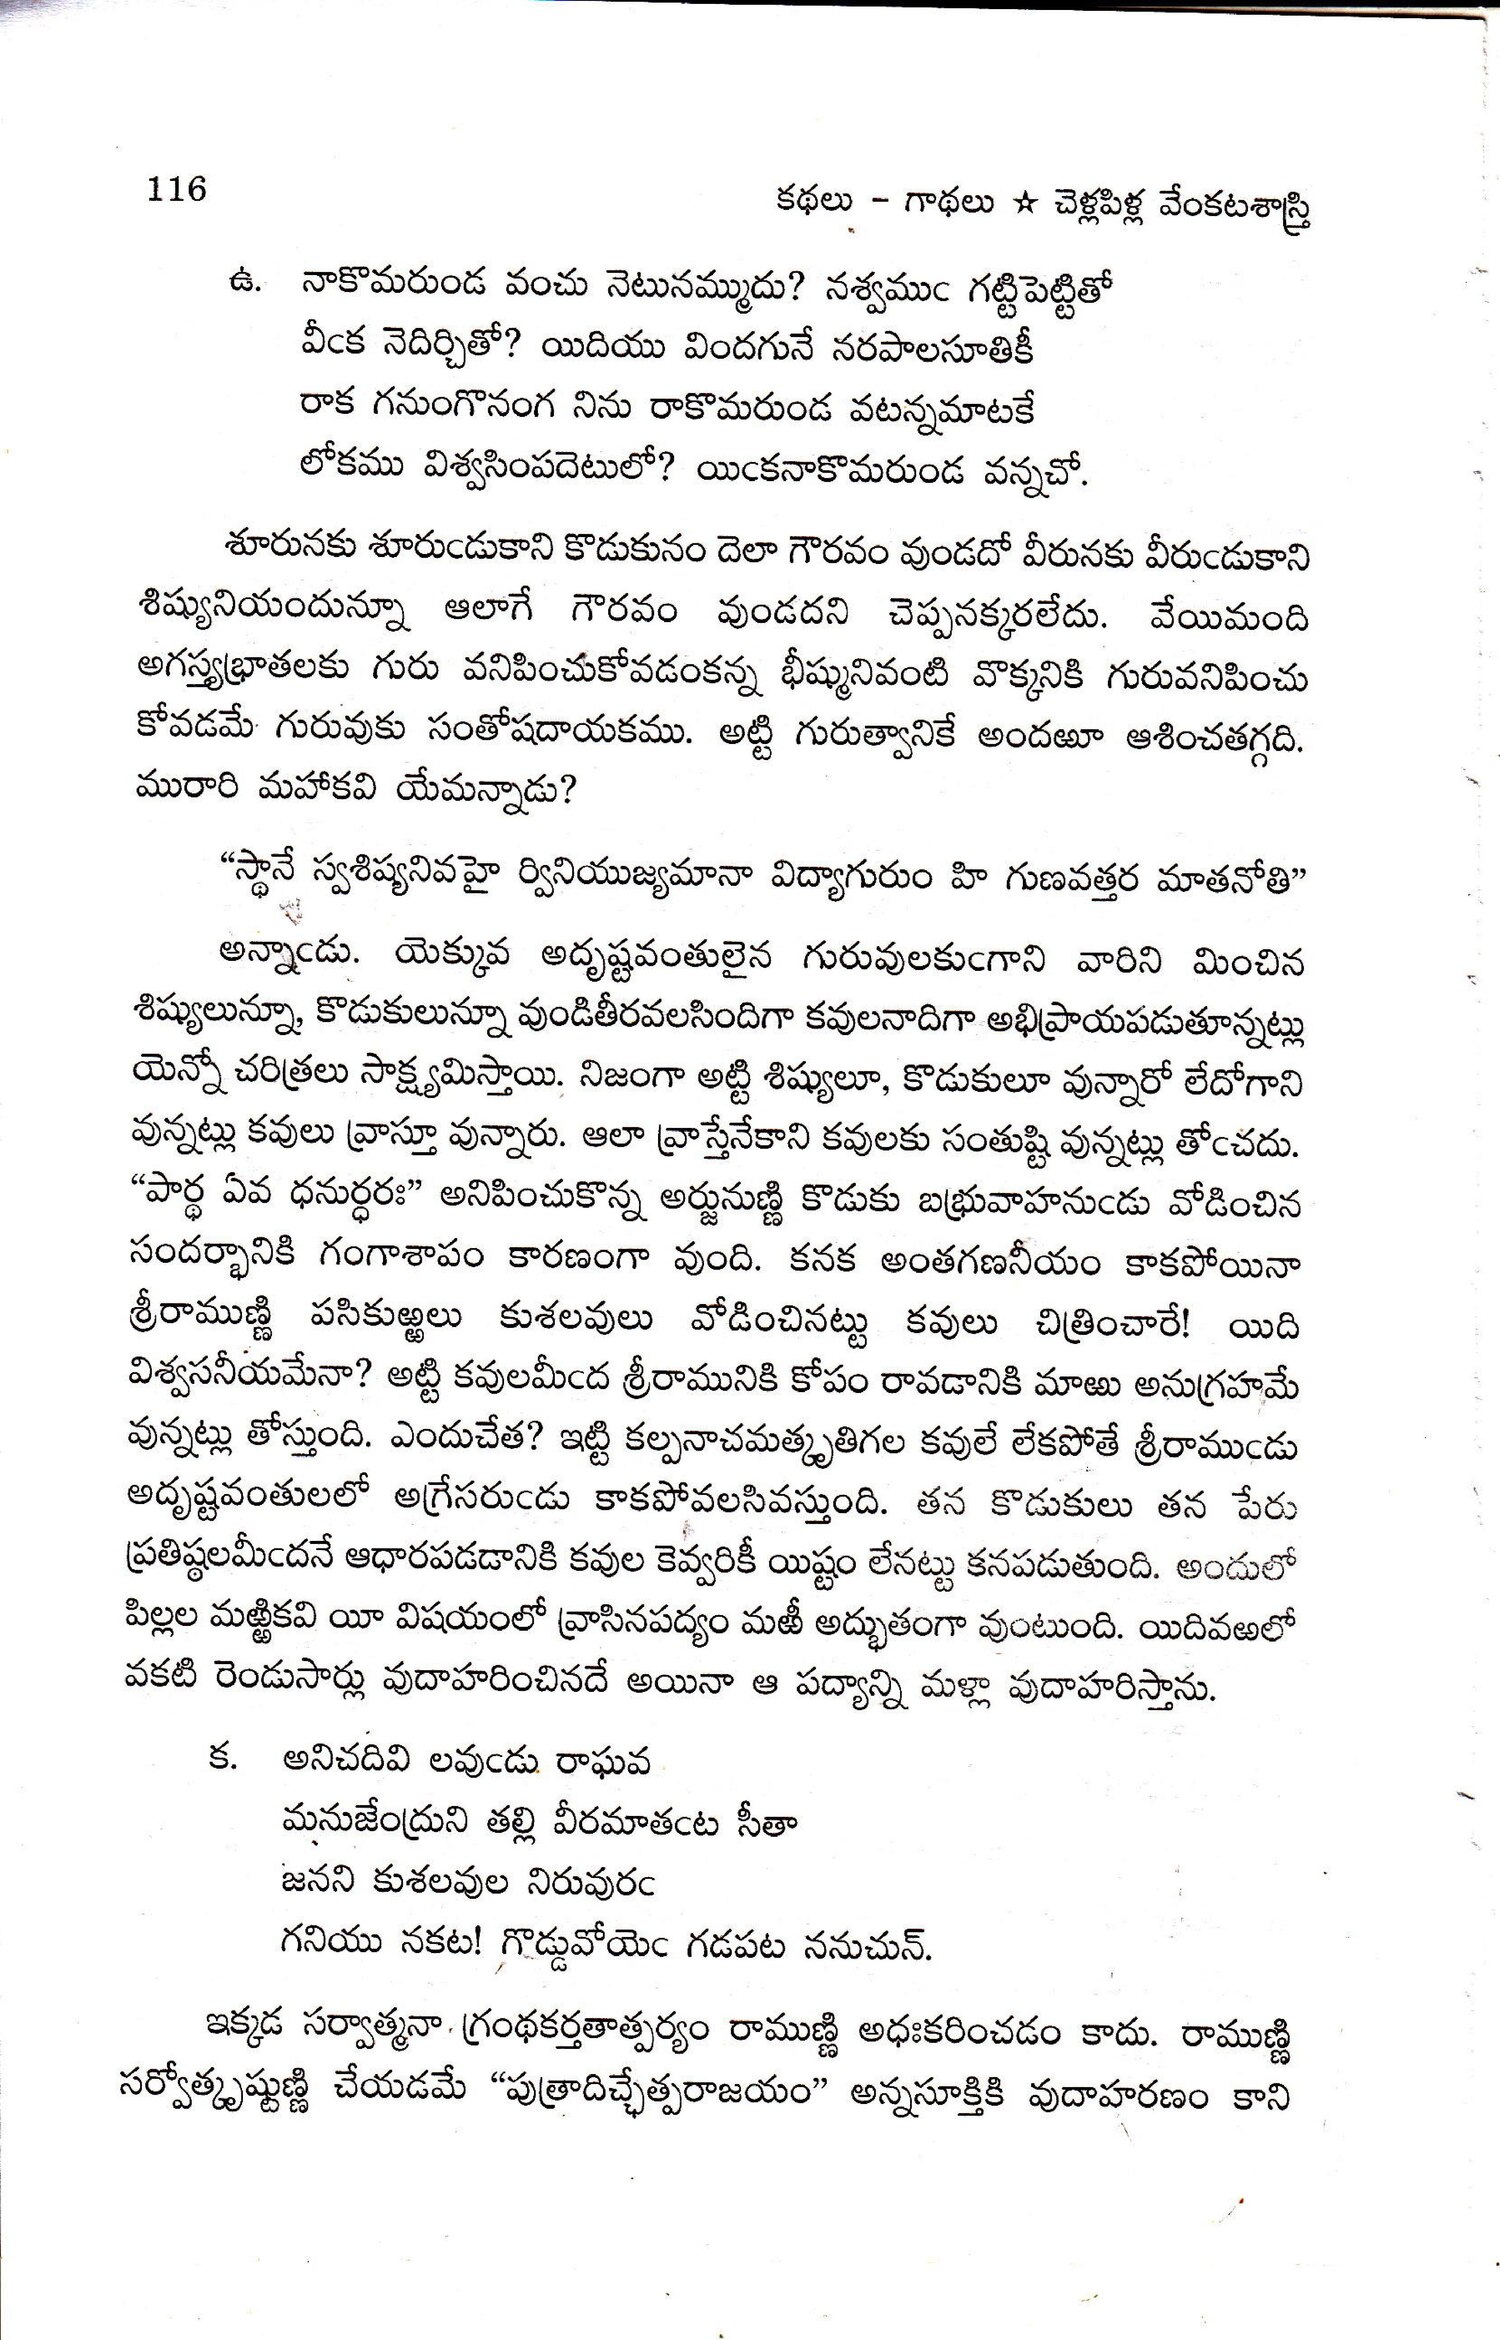ఉ. నాకొమరుండ వంచు నెటునమ్మదు? నశ్వముc గట్టిపెట్టితో 
వీంక నెదిర్చితో? యిదియు విందగునే నరపాలసూతికీ 
రాక గనుంగొనంగ నిను రాకొమరుండ వటన్నమాటకే 
లోకము విశ్వసింపదెటులో? యింకనాకొమరుండ వన్నచో.
శూరునకు శూరుండుకాని కొడుకునం దెలా గౌరవం వుండదో వీరునకు వీరుండుకాని శిష్యునియందున్నూ ఆలాగే గౌరవం వుండదని చెప్పనక్కరలేదు. వేయిమంది అగస్త్యభ్రాతలకు గురు వనిపించుకోవడంకన్న భీష్మునివంటి వొక్కనికి గురువనిపించు కోవడమే గురువుకు సంతోషదాయకము. అట్టి గురుత్వానికే అందఱూ ఆశించతగ్గది. మురారి మహాకవి యేమన్నాడు?

"స్థానే స్వశిష్యనివ హై ర్వినియుజ్యమానా విద్యాగురుం హి గుణవత్తర మాతనోతి"

అన్నాడు. యొక్కువ అదృష్టవంతులైన గురువులకుఁగాని వారిని మించిన శిష్యులున్నూ, కొడుకులున్నూ వుండితీరవలసిందిగా కవులనాదిగా అభిప్రాయపడుతూన్నట్లు యెన్నో చరిత్రలు సాక్ష్యమిస్తాయి. నిజంగా అట్టి శిష్యులూ, కొడుకులూ వున్నారో లేదోగాని వున్నట్లు కవులు వ్రాస్తూ వున్నారు. ఆలా వ్రాస్తేనేకాని కవులకు సంతుష్టి వున్నట్లు తోcచదు. "పార్థ ఏవ ధనుర్ధరః" అనిపించుకొన్న అర్జునుణ్ణి కొడుకు బభ్రువాహనుండు వోడించిన సందర్భానికి గంగా శాపం కారణంగా వుంది. కనక అంతగణనీయం కాకపోయినా శ్రీరాముణ్ణి పసికుల్దలు కుశలవులు వోడించినట్టు కవులు చిత్రించారే! యిది విశ్వసనీయమేనా? అట్టి కవులమీంద శ్రీరామునికి కోపం రావడానికి మాఱు అనుగ్రహమే వున్నట్లు తోస్తుంది. ఎందుచేత? ఇట్టి కల్పనాచమత్కృతిగల కవులే లేకపోతే శ్రీరాముండు అదృష్టవంతులలో అగ్రేసరుండు కాకపోవలసివస్తుంది. తన కొడుకులు తన పేరు ప్రతిష్టలమీందనే ఆధారపడడానికి కవుల కెవ్వరికీ యిష్టం లేనట్టు కనపడుతుంది. అందులో పిల్లల మట్టికవి యీ విషయంలో వ్రాసినపద్యం మతీ అద్భుతంగా వుంటుంది. యిదివఱలో వకటి రెండుసార్లు వుదాహరించినదే అయినా ఆ పద్యాన్ని మళ్లా వుదాహరిస్తాను.
క. అనిచదివి లవుండు రాఘవ
మనుజేంద్రుని తల్లి వీరమాతంట సీతా 
జనని కుశలవుల నిరువురC 
గనియు నకట! గొడ్డువోయెం గడపట ననుచున్.
ఇక్కడ సర్వాత్మనా. గ్రంథకర్తతాత్పర్యం రాముణ్ణి అధఃకరించడం కాదు. రాముణ్ణి సర్వోత్కృష్ణుణ్ణి చేయడమే “పుత్రాదిచ్ఛేత్పరాజయం" అన్నసూక్తికి వుదాహరణం కాని